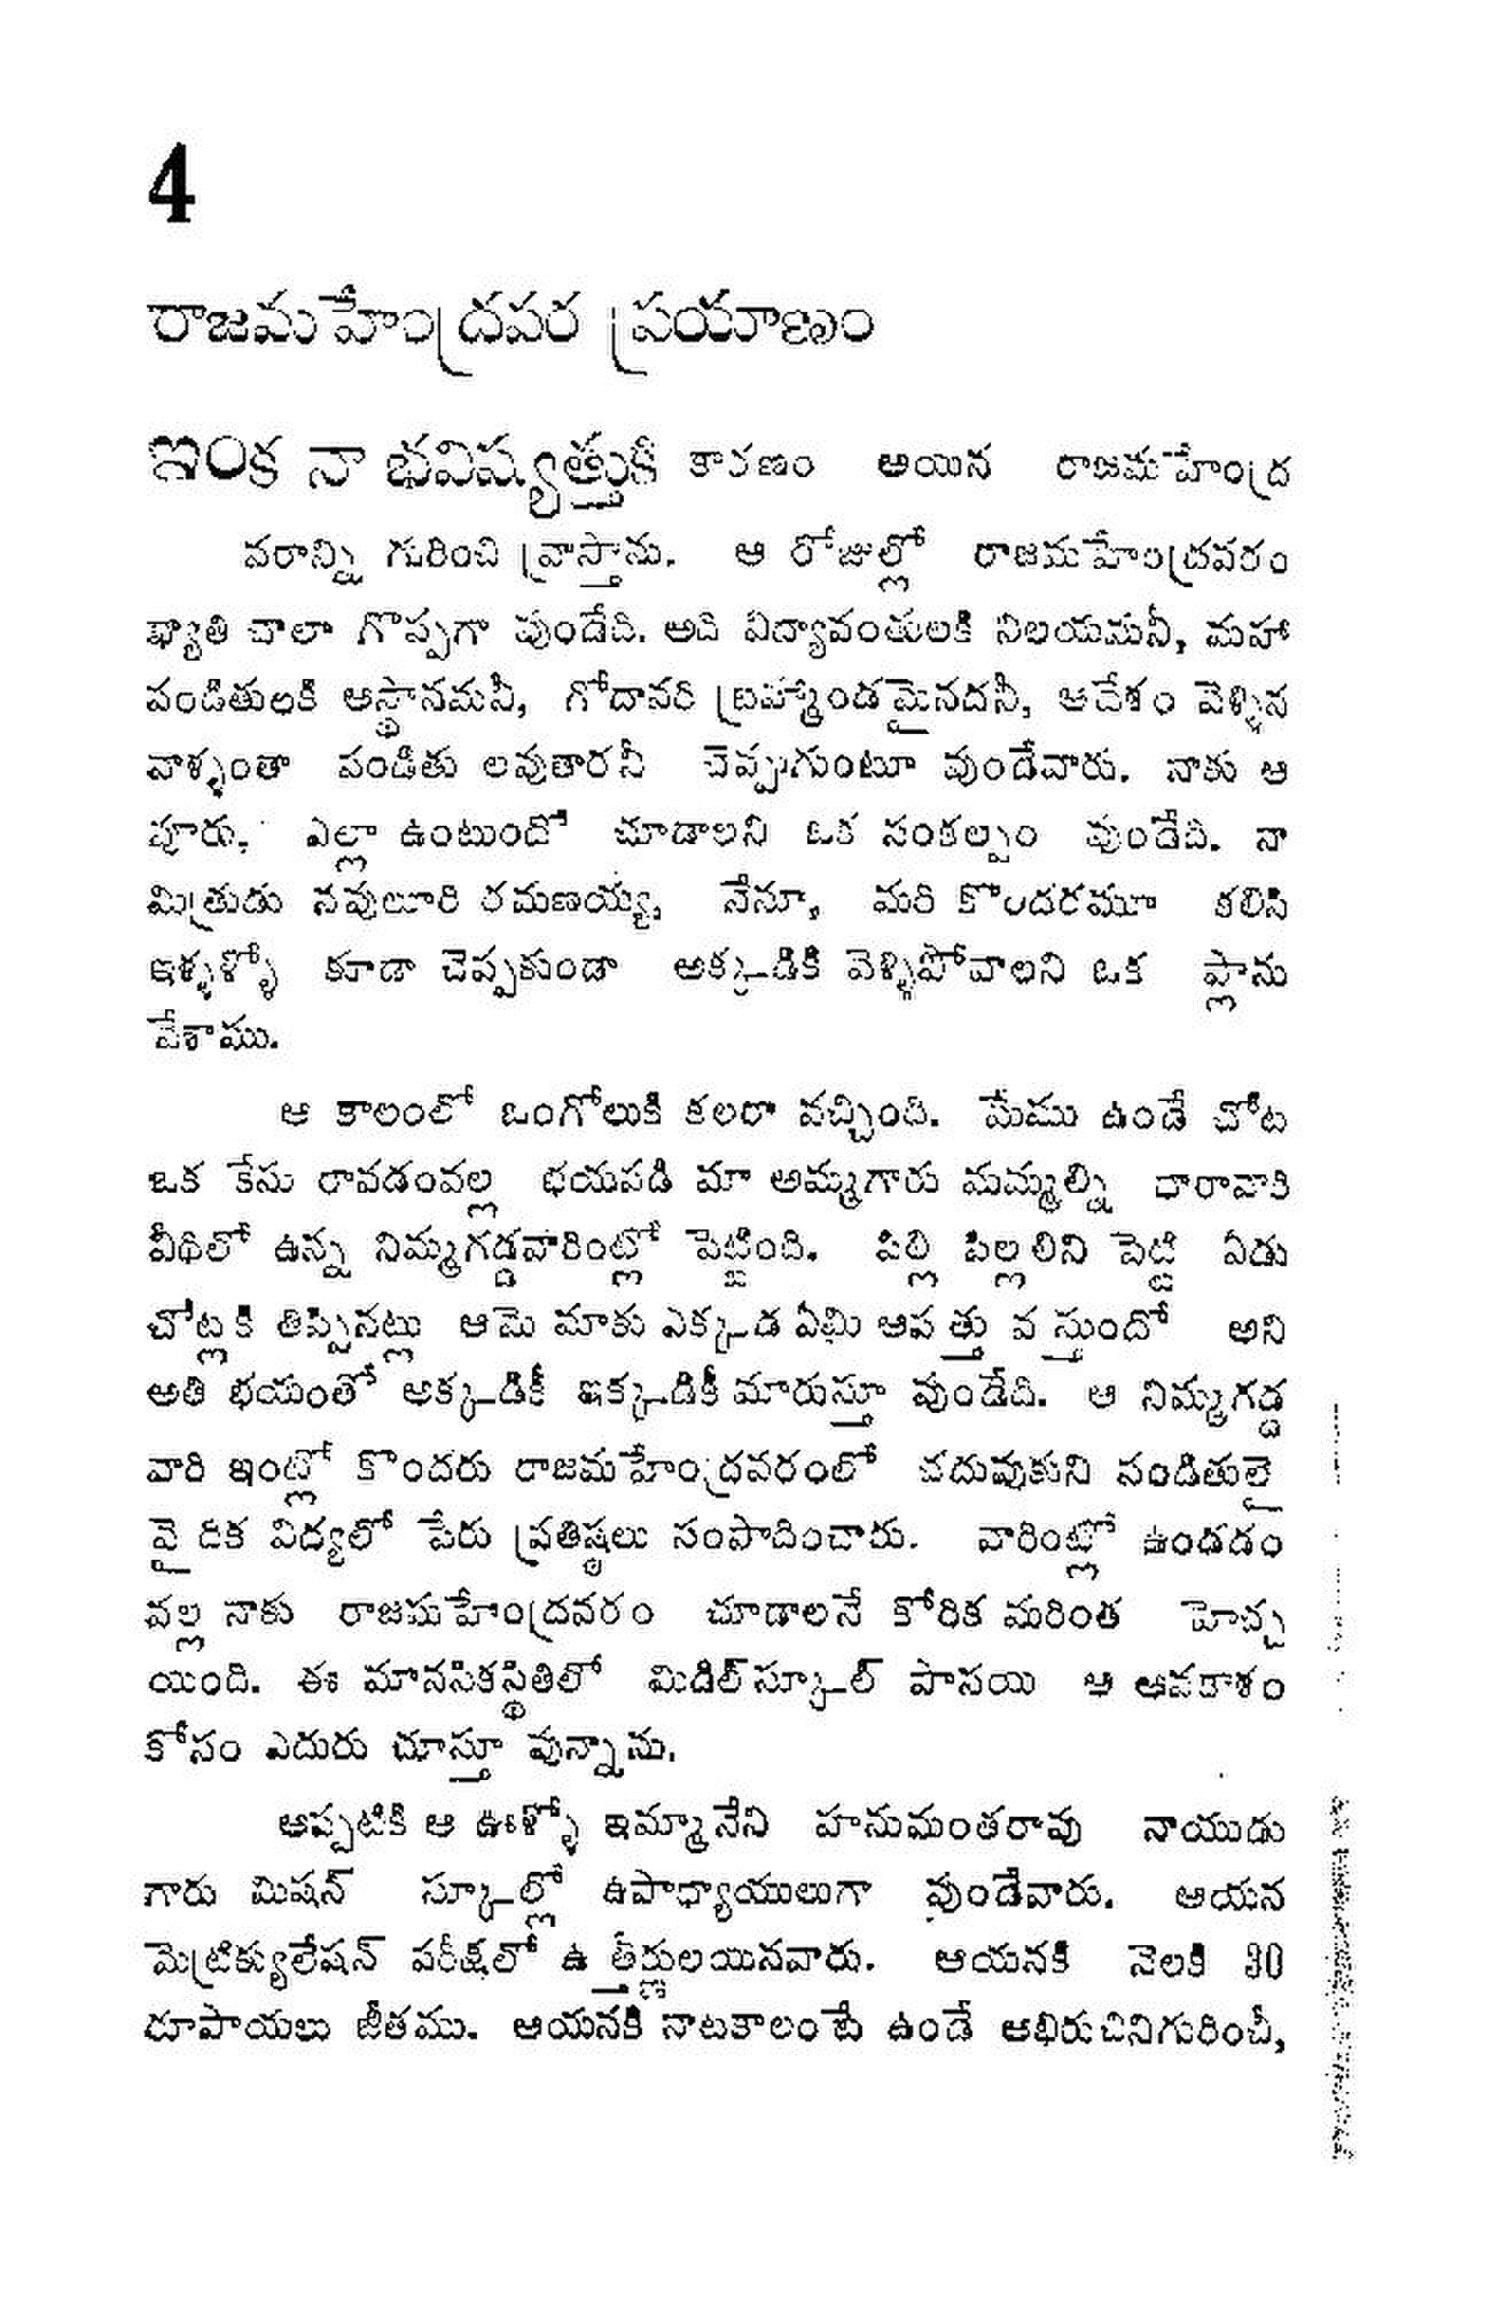అందు మూలంగా ఆయనతో నాకు కలిగిన సాహచర్యాన్ని గురించీ, ఇదివరకే వ్రాశాను. ఈనాటికీ ఆయనే నా జీవితానికి మార్గదర్శకుడు అనీ, నా అభివృద్ధికి మూలకారకుడు అనీ కృతజ్ఞతాపూర్వకంగా విశ్వసిస్తాను.

అందుచేత, ఆయన్ని గురించి కొంచెం వ్రాస్తాను. ఆయన తండ్రిగారు కొత్తపట్నంలో కరిణీకం చేస్తూ వుండేవారు. వారిది ఆది వెలమకులం. ఎప్పుడో వారి పూర్వులది బందరు కావచ్చును. కాని, హనుమంతరావునాయుడుగారి తండ్రిగారు కొత్తపట్టణంలో కరిణీకం సంపాదించారు. సామాన్యంగా గుంటూరుజిల్లాలో కరిణీకం బ్రాహ్మణుల కుటుంబాల్లోనే వుండేది. అయితే, ఆ ఊరికిమాత్రం ఇది ఈ ఆదివెలమ కుటుంబానికి ఎట్లా సంక్రమించిందో నేను చెప్పలేను. ఈ నాటికీ ఆ కరిణీకం ఇమ్మానేనివారి కుటుంబంలోనే వుంది. మెట్రిక్యులేషన్ అయి, మాష్టరీ ప్రారంభించేసరికి హనుమంతరావు నాయుడుగారికి సుమారు 25 సంవత్సరాల వయస్సుంటుంది. ఆయన లెక్కల్లో చాలా ప్రతిభావంతులని ప్రతీతి. ఆయన మెట్రిక్యులేషన్ పాసయి మెట్రిక్యులేషన్ క్లాసుకీ, దాని కింది క్లాసులకీ లెక్ఖలు చెప్పేవారు. అంతేకాకుండా యఫ్.ఏ., బి.ఏ. పరీక్షలకి చదివేవాళ్ళు కూడా ఆయన దగ్గిరికి వచ్చి లెఖ్ఖలు నేర్చుకుంటూ ఉండేవాళ్ళు. ఇంగ్లీషు వ్యాకరణం మొదలయినవి చెప్పడంలో కూడా ఆయనకి మంచి పేరు వుండేది. అప్పటికే బి.ఏ. చదువుతూ ఉండిన కొండా వెంకటప్పయ్యగారిని ఆ రోజుల్లో లింగంగుంట వెంకటప్పయ్య అనేవారు. వారి ఊరు లింగంగుంట కావడమే దీనికి కారణము. కొంపల్లి కోటిలింగం, మన్నారు కృష్ణయ్య మొదలయినవారు మా నాయుడుగారి శిష్యులే. వారంతా అక్కడే మెట్రిక్యులేషన్ పాసయి లెఖ్ఖలు మొదలయిన విషయాల్లో ఆయనదగ్గిర సంశయనివారణం చేసుకుంటూ ఉండేవాళ్ళు. ఆంధ్రదేశంలో అఖండ గణితశాస్త్రవేత్తగా ప్రఖ్యాతి పొందిన పాంచాలవరపు సుబ్బారావు కూడా ఆన శిష్యుడే. నాకు కేవలం అదృష్టం వల్ల ఆయన శిష్యరికం లభించింది.